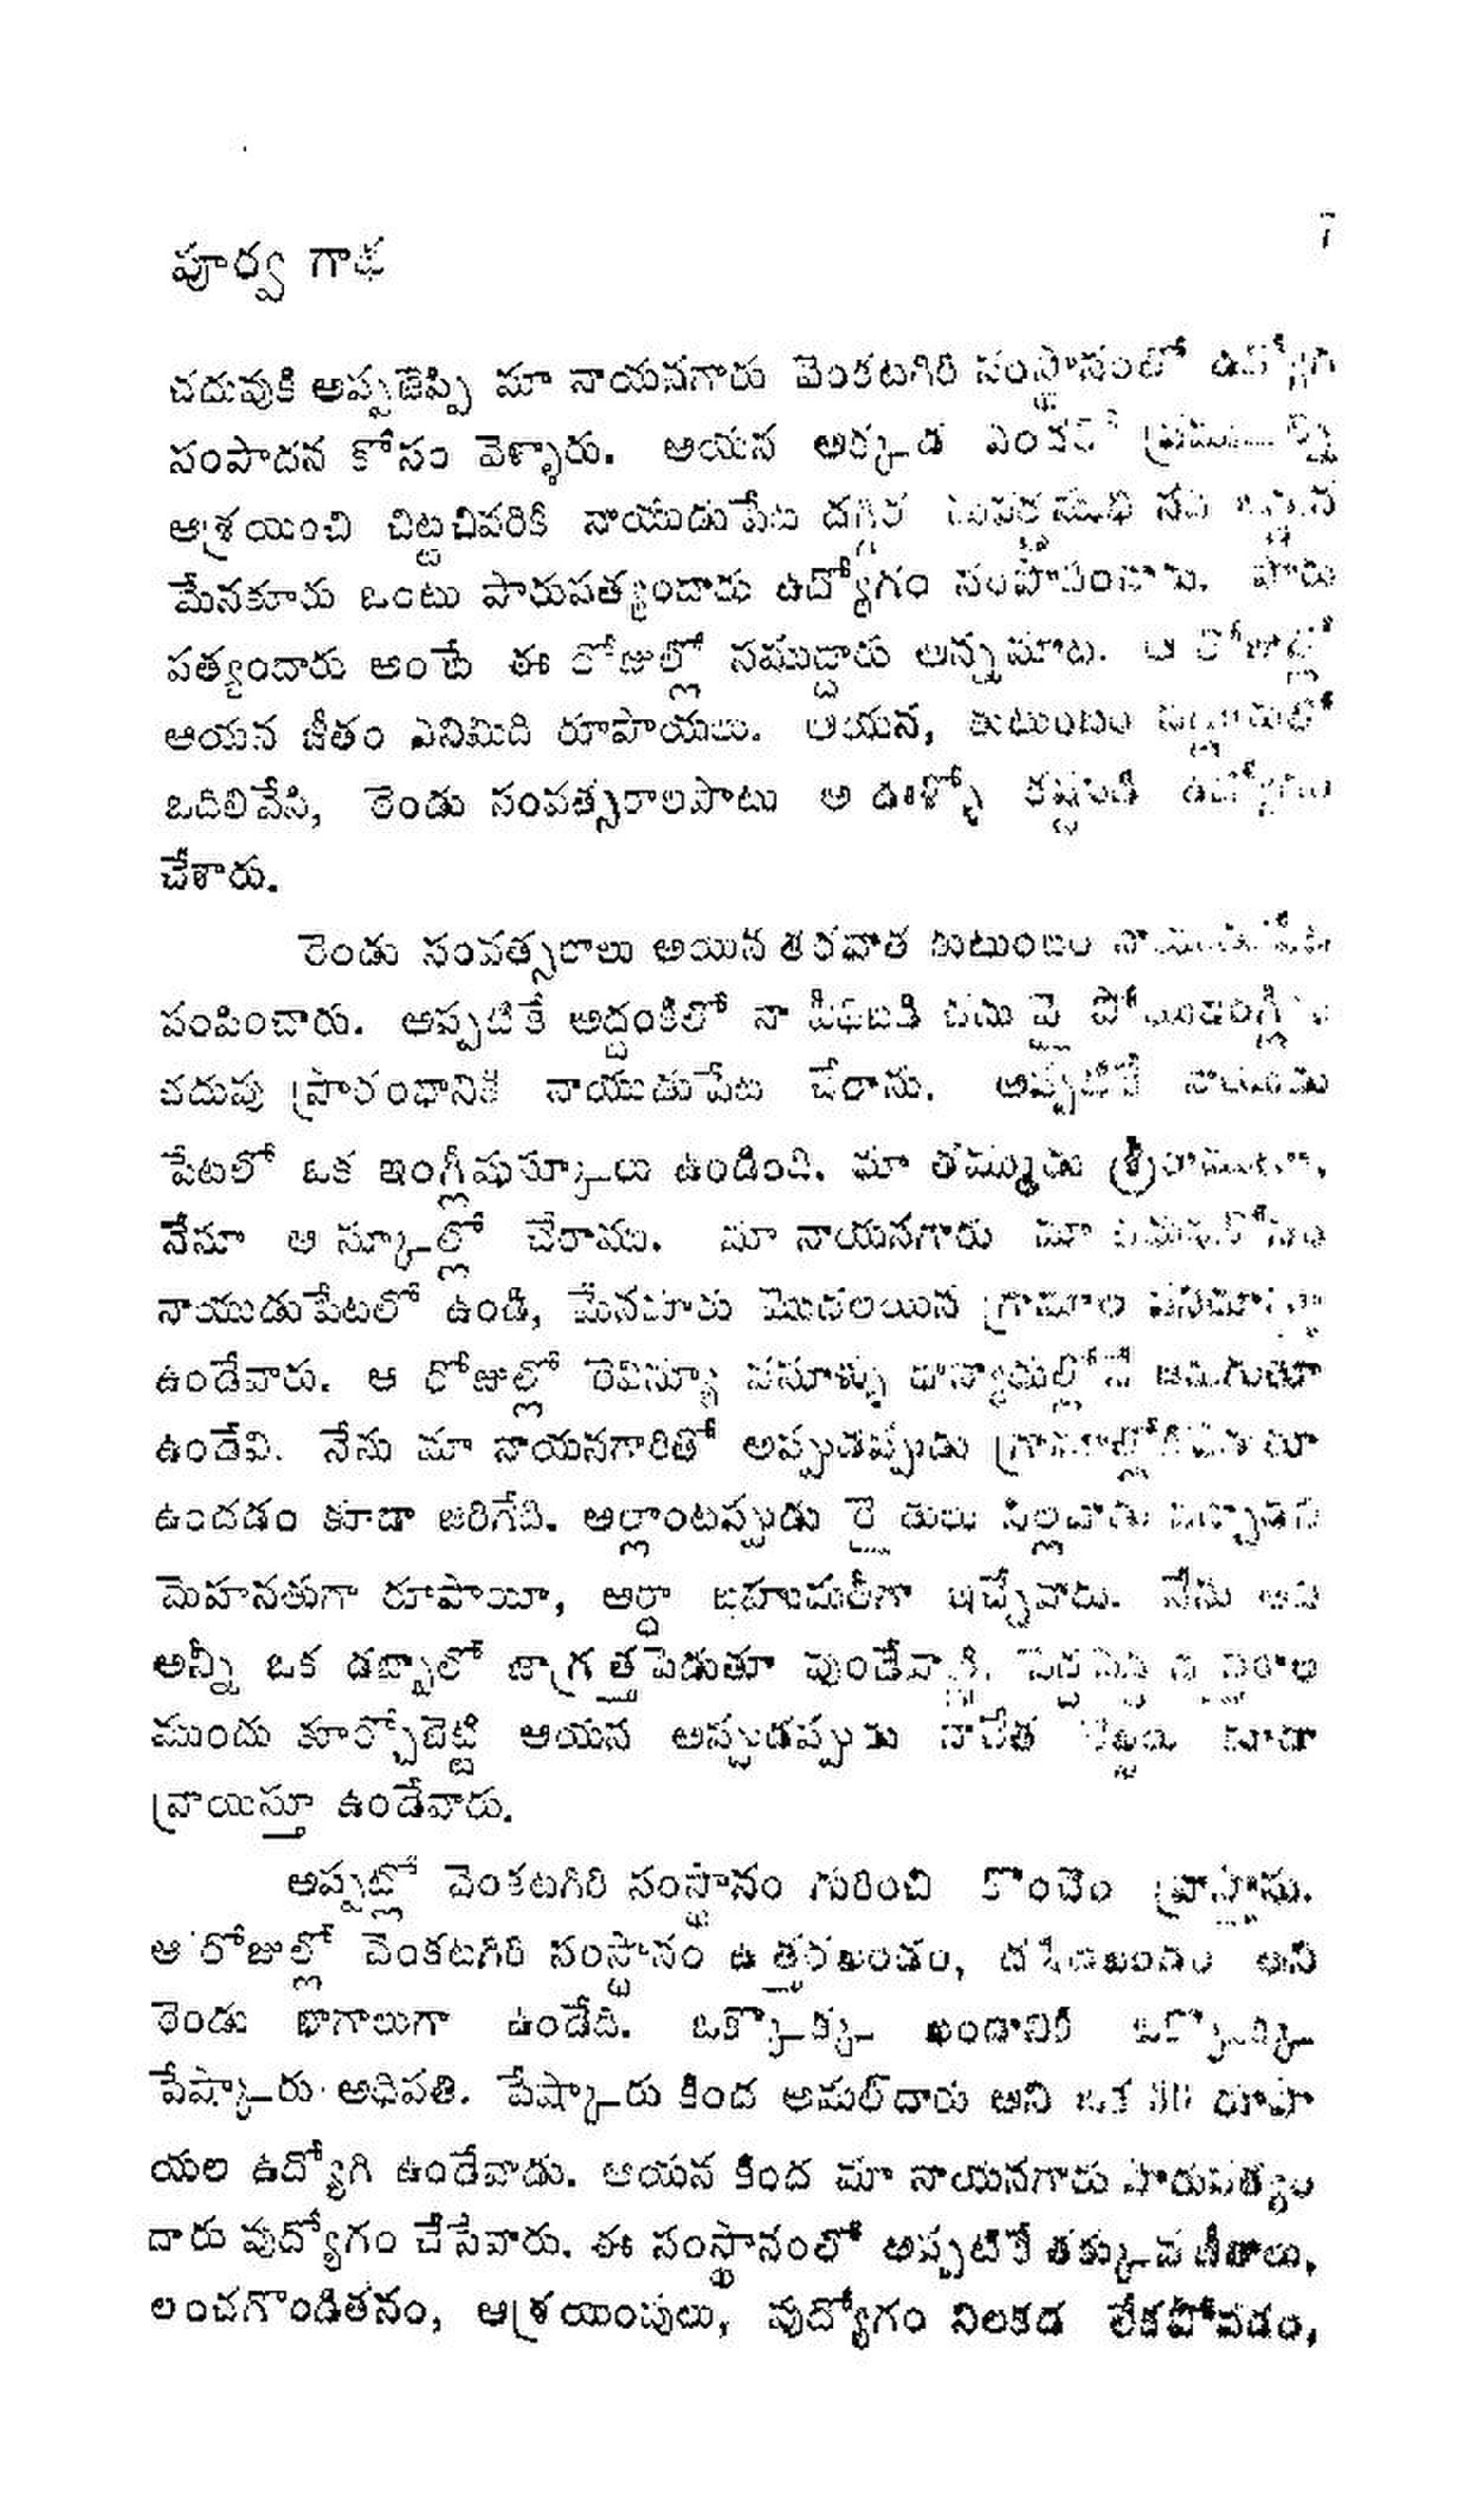చదువుకి అప్పజెప్పి మా నాయన గారు వెంకటగిరి సంస్థానంలో ఉద్యోగ సంపాదన కోసం వెళ్ళారు. ఆయన అక్కడ ఎందరో ప్రముఖుల్ని ఆశ్రయించి చిట్టచివరికి నాయుడుపేట దగ్గిర సువర్ణముఖి నది ఒడ్డున మేనకూరు ఒంటు పారుపత్యందారు ఉద్యోగం సంపాదించారు. పారుపత్యం దారు అంటే ఈ రోజుల్లో సముద్దారు అన్నమాట. ఆ రోజుల్లో ఆయన జీతం ఎనిమిది రూపాయలు. ఆయన, కుటుంబం వల్లూరులో ఒదిలివేసి, రెండు సంవత్సరాలపాటు ఆ ఊళ్ళో కష్టపడి ఉద్యోగం చేశారు.

రెండు సంవత్సరాలు అయిన తరువాత కుటుంబం నాయుడుపేట పంపించారు. అప్పటికే అద్దంకిలో నా వీధిబడి చదువై పోయి ఇంగ్లీషు చదువు ప్రారంభానికి నాయుడుపేట చేరాను. అప్పటికే నాయుడుపేటలో ఒక ఇంగ్లీషుస్కూలు ఉండింది. మా తమ్ముడు శ్రీరాములు, నేనూ ఆ స్కూల్లో చేరాము. మా నాయనగారు మా చదువుకోసం నాయుడుపేటలో ఉండి, మేనకూరు మొదలైన గ్రామాల పని చూస్తూ ఉండేవారు. ఆ రోజుల్లో రెవిన్యూ వసూళ్ళు ధాన్యాదుల్లోనే జరుగుతూ ఉండేవి. నేను మా నాయనగారితో అప్పుడప్పుడు గ్రామాల్లోకి వెడుతూ ఉండడం కూడా జరిగేది. అల్లాంటపుడు రైతులు పిల్లవాడు వచ్చాడని మెహనతుగా రూపాయీ, అర్ధా బహుమతిగా ఇచ్చేవారు. నేను అవి అన్నీ ఒక డబ్బాలో జాగ్రత్తపెడుతూ ఉండేవాణ్ణి. పెద్ద పెద్ద దస్తరాల ముందుకూర్చోబెట్టి ఆయన అప్పుడప్పుడూ నాచేత లెఖ్ఖలు కూడా వ్రాయిస్తూ ఉండేవారు.

అప్పట్లో వెంకటగిరి సంస్థానం గురించి కొంచెం వ్రాస్తాను. ఆ రోజుల్లో వెంకటగిరి సంస్థానం ఉత్తరఖండం, దక్షిణఖండం అని రెండుభాగాలుగా ఉండేది. ఒక్కొక్క ఖండానికి ఒక్కొక్క పేష్కారు అధిపతి. పేష్కారు కింద అమల్‌దారు అని 30 రూపాయల ఉద్యోగి ఉండేవాడు. ఆయన కింద మా నాయనగారు పారుపత్యందారు ఉద్యోగం చేసేవారు. ఈ సంస్థానంలో అప్పటికే తక్కువజీతాలు, లంచగొండితనం, ఆశ్రయింపులు, వుద్యోగం నిలకడ లేకపోవడం,